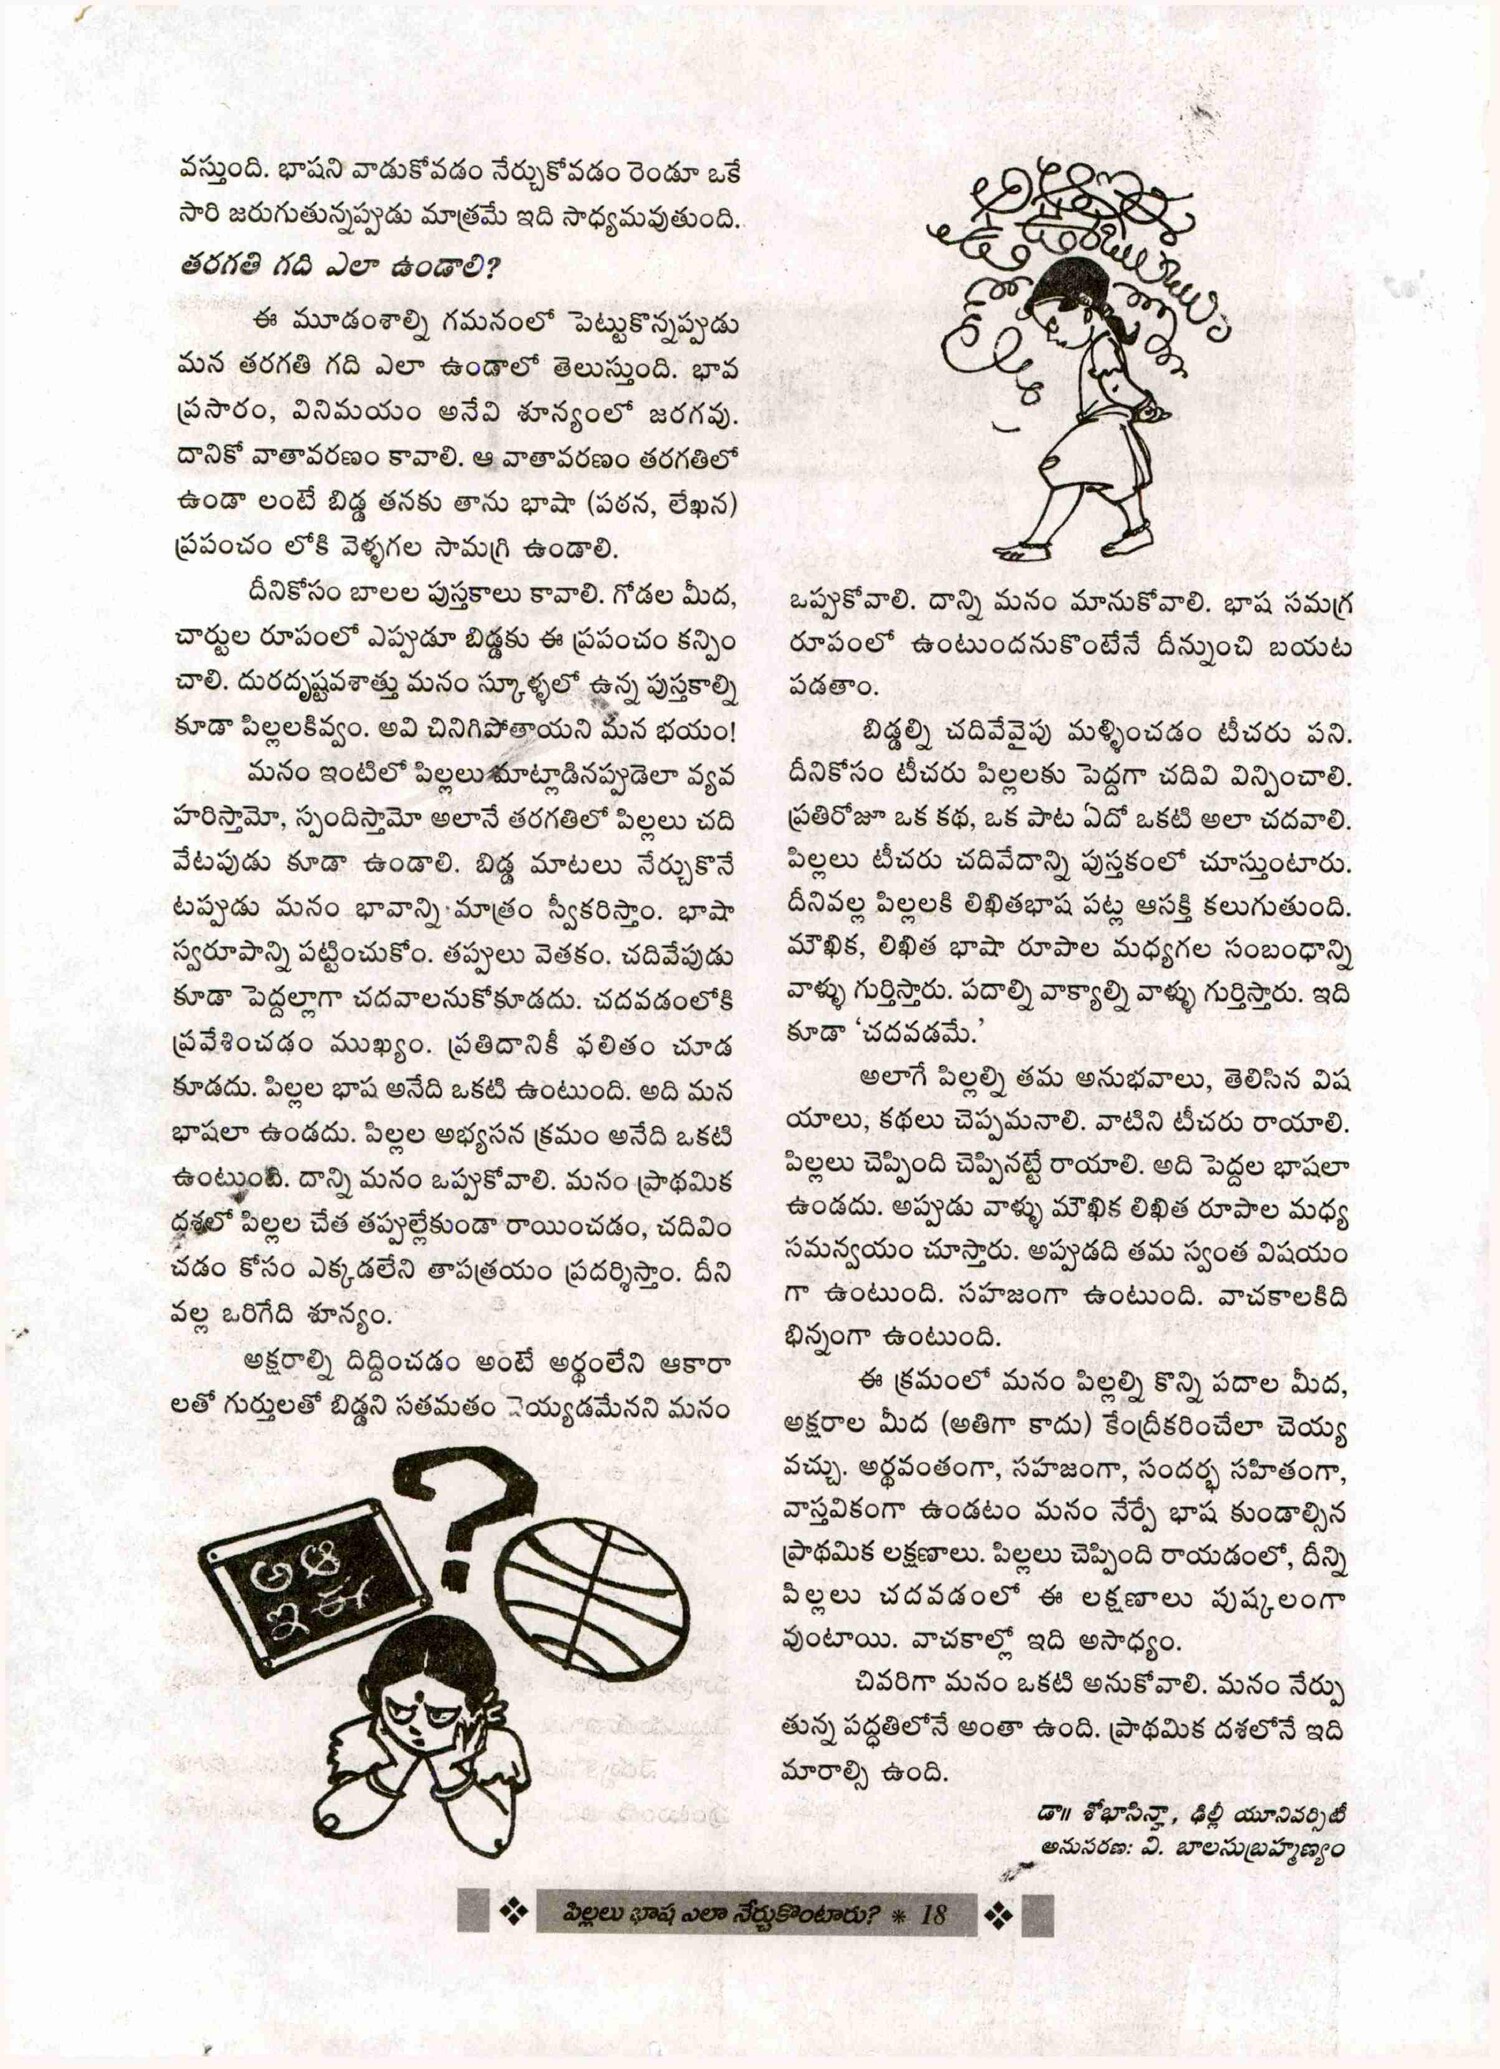వస్తుంది. భాషని వాడుకోవడం నేర్చుకోవడం రెండూ ఒకేసారి జరుగుతున్నప్పుడు మాత్రమే ఇది సాధ్యమవుతుంది.

తరగతి గది ఎలా ఉండాలి?

ఈ మూడంశాల్ని గమనంలో పెట్టుకొన్నప్పుడు మన తరగతి గది ఎలా ఉండాలో తెలుస్తుంది. భావ ప్రసారం, వినిమయం అనేవి శూన్యంలో జరగవు. దానికో వాతావరణం కావాలి. ఆ వాతావరణం తరగతిలో ఉండా లంటే బిడ్డ తనకు తాను భాషా (పఠన, లేఖన) ప్రపంచం లోకి వెళ్ళగల సామగ్రి ఉండాలి.

దీనికోసం బాలల పుస్తకాలు కావాలి. గోడల మీద, చార్టుల రూపంలో ఎప్పుడూ బిడ్డకు ఈ ప్రపంచం కన్పించాలి. దురదృష్టవశాత్తు మనం స్కూళ్ళలో ఉన్న పుస్తకాల్ని కూడా పిల్లలకివ్వం. అవి చినిగిపోతాయని మన భయం!

మనం ఇంటిలో పిల్లలు మాట్లాడినప్పుడెలా వ్యవహరిస్తామో, స్పందిస్తామో అలానే తరగతిలో పిల్లలు చదివేటపుడు కూడా ఉండాలి. బిడ్డ మాటలు నేర్చుకొనేటప్పుడు మనం భావాన్ని మాత్రం స్వీకరిస్తాం. భాషా స్వరూపాన్ని పట్టించుకోం. తప్పులు వెతకం. చదివేపుడు కూడా పెద్దల్లాగా చదవాలనుకోకూడదు. చదవడంలోకి ప్రవేశించడం ముఖ్యం. ప్రతిదానికీ ఫలితం చూడకూడదు. పిల్లల భాష అనేది ఒకటి ఉంటుంది. అది మన భాషలా ఉండదు. పిల్లల అభ్యసన క్రమం అనేది ఒకటి ఉంటుంది. దాన్ని మనం ఒప్పుకోవాలి. మనం ప్రాథమిక దశలో పిల్లల చేత తప్పుల్లేకుండా రాయించడం, చదివించడం కోసం ఎక్కడలేని తాపత్రయం ప్రదర్శిస్తాం. దీనివల్ల ఒరిగేది శూన్యం.

అక్షరాల్ని దిద్దించడం అంటే అర్థంలేని ఆకారాలతో గుర్తులతో బిడ్డని సతమతం చెయ్యడమేనని మనం
ఒప్పుకోవాలి. దాన్ని మనం మానుకోవాలి. భాష సమగ్ర రూపంలో ఉంటుందనుకొంటేనే దీన్నుంచి బయట పడతాం.

బిడ్డల్ని చదివేవైపు మళ్ళించడం టీచరు పని. దీనికోసం టీచరు పిల్లలకు పెద్దగా చదివి విన్పించాలి. ప్రతిరోజూ ఒక కథ, ఒక పాట ఏదో ఒకటి అలా చదవాలి. పిల్లలు టీచరు చదివేదాన్ని పుస్తకంలో చూస్తుంటారు. దీనివల్ల పిల్లలకి లిఖితభాష పట్ల ఆసక్తి కలుగుతుంది. మౌఖిక, లిఖిత భాషా రూపాల మధ్యగల సంబంధాన్ని వాళ్ళు గుర్తిస్తారు. పదాల్ని వాక్యాల్ని వాళ్ళు గుర్తిస్తారు. ఇది కూడా ‘చదవడమే.'

అలాగే పిల్లల్ని తమ అనుభవాలు, తెలిసిన విషయాలు, కథలు చెప్పమనాలి. వాటిని టీచరు రాయాలి. పిల్లలు చెప్పింది చెప్పినట్టే రాయాలి. అది పెద్దల భాషలా ఉండదు. అప్పుడు వాళ్ళు మౌఖిక లిఖిత రూపాల మధ్య
సమన్వయం చూస్తారు. అప్పుడది తమ స్వంత విషయంగా ఉంటుంది. సహజంగా ఉంటుంది. వాచకాలకిది
భిన్నంగా ఉంటుంది.

ఈ క్రమంలో మనం పిల్లల్ని కొన్ని పదాల మీద, అక్షరాల మీద (అతిగా కాదు) కేంద్రీకరించేలా చెయ్యవచ్చు. అర్థవంతంగా, సహజంగా, సందర్భ సహితంగా, వాస్తవికంగా ఉండటం మనం నేర్పే భాష కుండాల్సిన ప్రాథమిక లక్షణాలు. పిల్లలు చెప్పింది రాయడంలో, దీన్ని పిల్లలు చదవడంలో ఈ లక్షణాలు పుష్కలంగా వుంటాయి. వాచకాల్లో ఇది అసాధ్యం.

చివరిగా మనం ఒకటి అనుకోవాలి. మనం నేర్పుతున్న పద్దతిలోనే అంతా ఉంది. ప్రాథమిక దశలోనే ఇది మారాల్సి ఉంది.